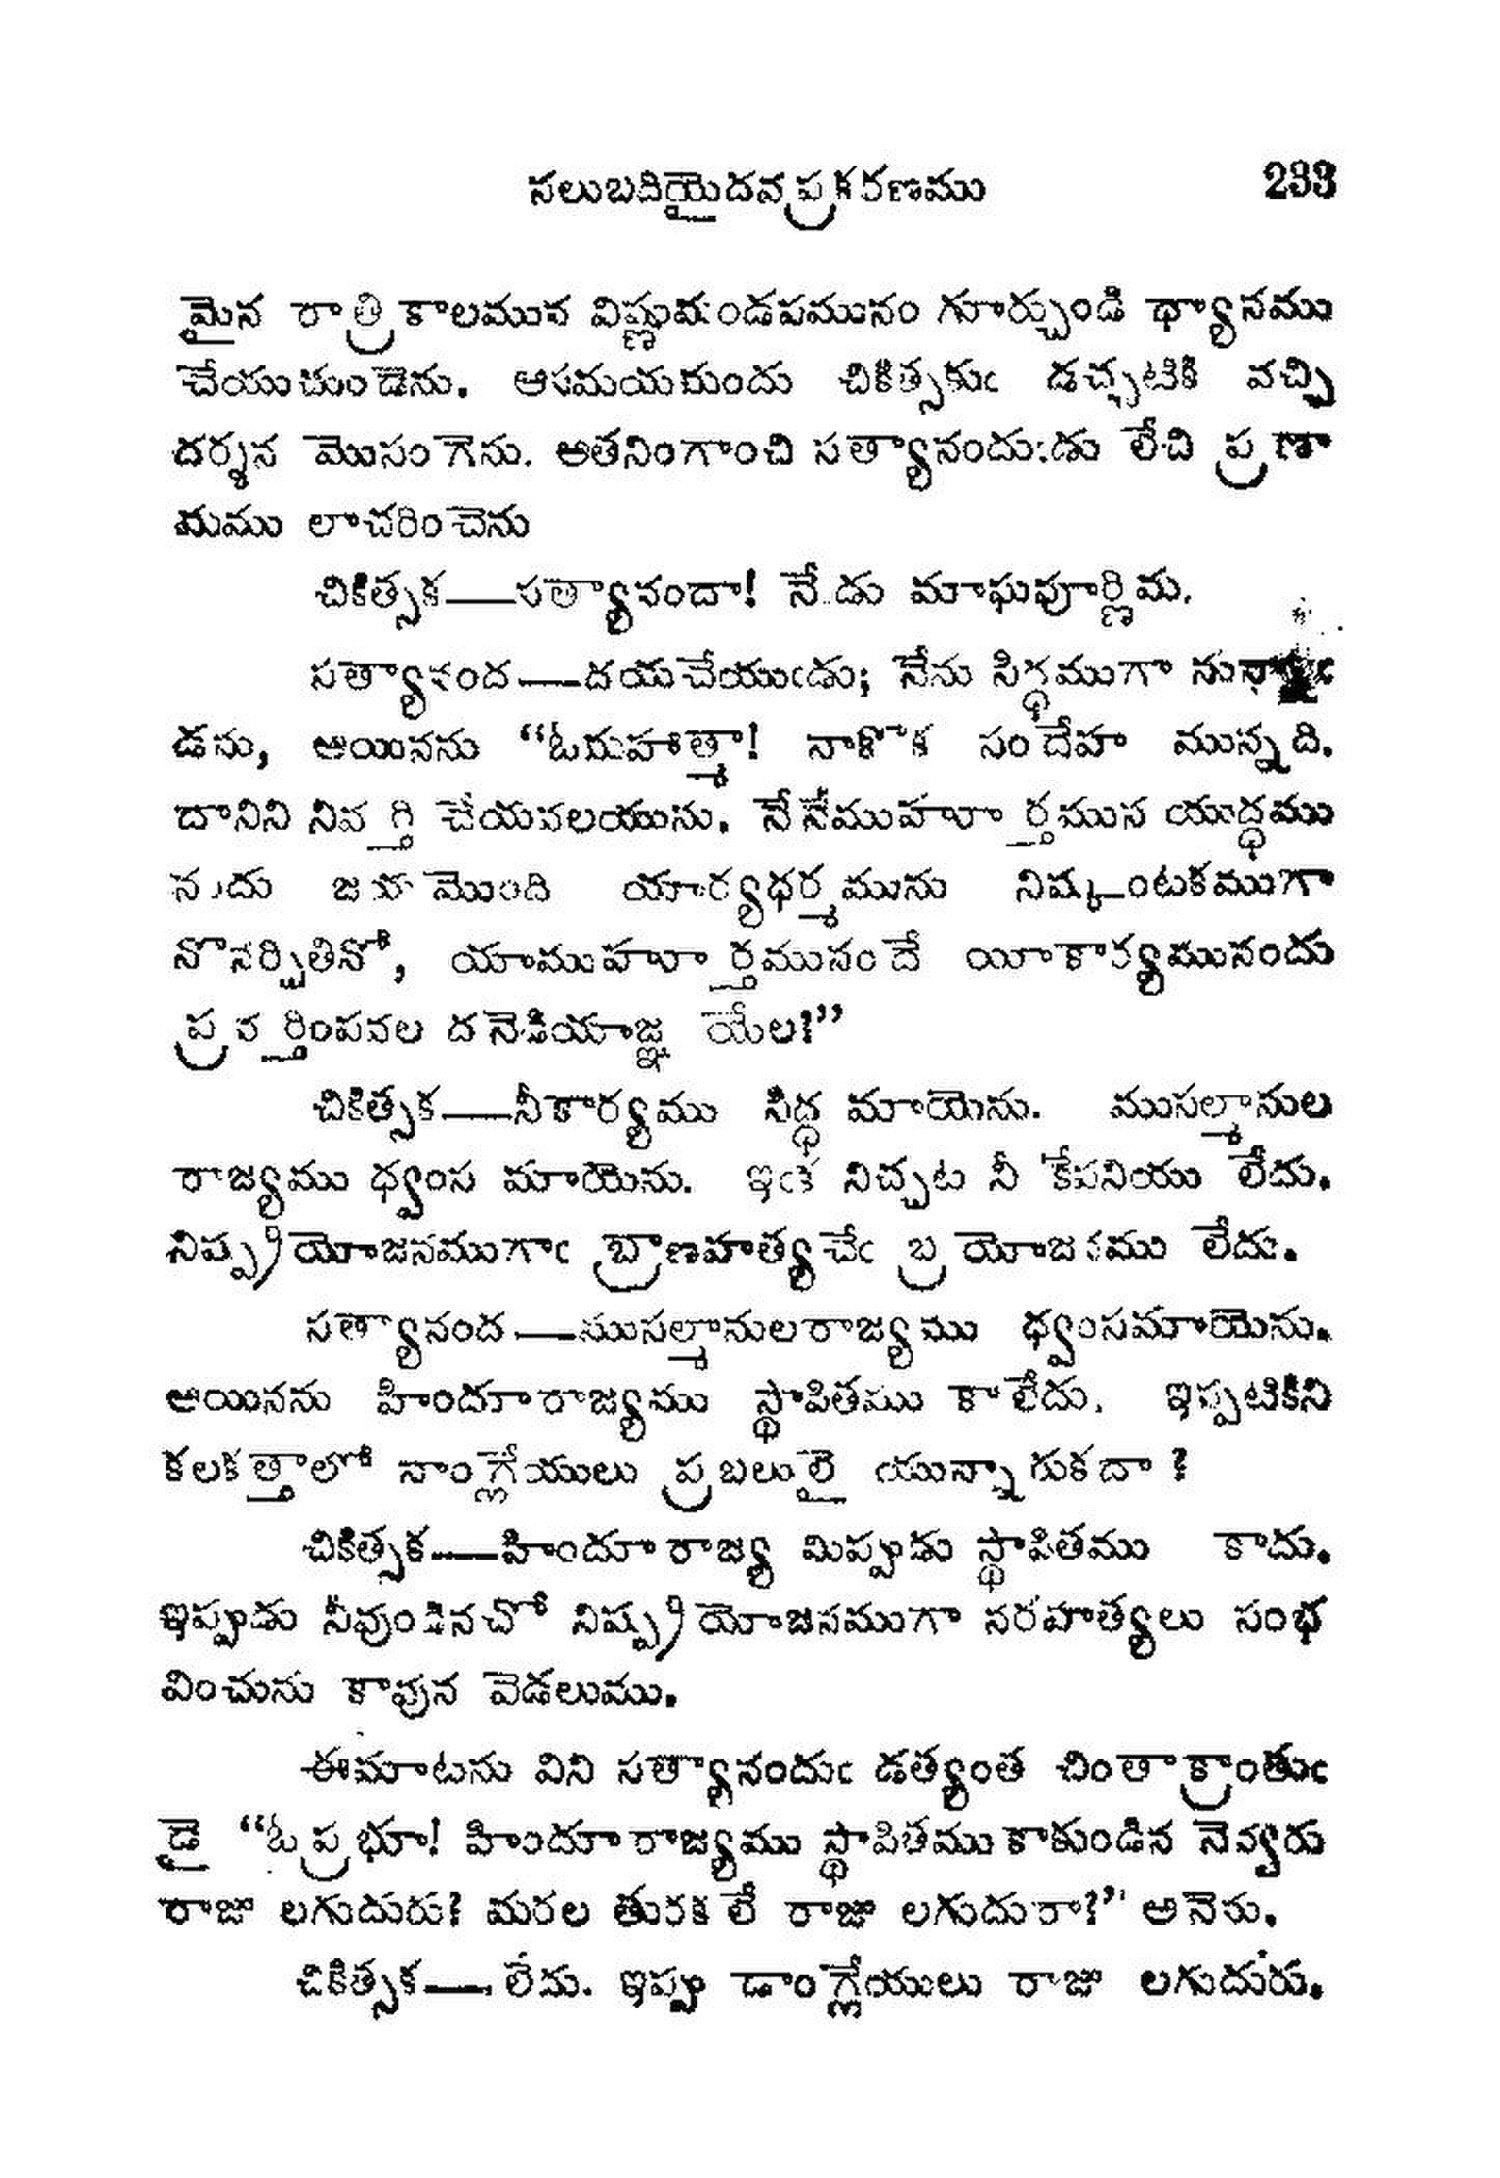మైన రాత్రి కాలమున విష్ణుమండపమునం గూర్చుండి ధ్యానము చేయుచుండెను. ఆసమయమందు చికిత్సకుఁ డచ్చటికి వచ్చి దర్శన మొసంగెను. అతనింగాంచి సత్యానందుడు ప్రణామము లాచరించెను

చికిత్సక — సత్యానందా! నేడు మాఘపూర్ణిమ.

సత్యానంద——దయచేయుఁడు; నేను సిద్ధముగా నున్నాఁడను, అయినను “ఓమహత్మా! నాకొక సందేహ మున్నది, దానిని నివర్తి చేయవలయును, నేనేముహూర్తమున యుద్ధము నందు జయ మొంది యార్యధర్మమును నిష్కంటకముగా నొనర్చితినో, యాముహూర్తమునందే యీ కార్యమునందు ప్రవర్తింపవల దనెడియాజ్ఞ యేల?"

చికిత్సక—— నీ కార్యము సిద్ధ మాయెను. ముసల్తానుల రాజ్యము ధ్వంస మాయెను. ఇఁక నిచ్చట నీ కేపనియు లేదు,
నిష్ప్రయోజనముగాఁ బ్రాణహత్య చేఁ బ్రయోజనము లేదు.

సత్యానంద—— ముసల్తానుల రాజ్యము ధ్వంసమాయెను. అయినను హిందూ రాజ్యము స్థాపితము కాలేదు. ఇప్పటికిని
కలకత్తాలో నాంగ్లేయులు ప్రబలులై యున్నారుకదా ?

చికిత్సక—— హిందూ రాజ్య మిప్పుడు స్థాపితము కాదు. ఇప్పుడు నీవుండినచో నిష్ప్రయోజనముగా నరహత్యలు సంభవించును కావున వెడలుము.

ఈమాటను విని సత్యానందుఁ డత్యంత చింతాక్రాంతుడై “ఓ ప్రభూ! హిందూ రాజ్యము స్థాపితము కాకుండిన నెవ్వరు
రాజు లగుదురు? మరల తురకలే రాజు లగుదురా?" అనెను.

చికిత్సక——లేదు. ఇప్పు డాంగ్లేయులు రాజు లగుదురు,